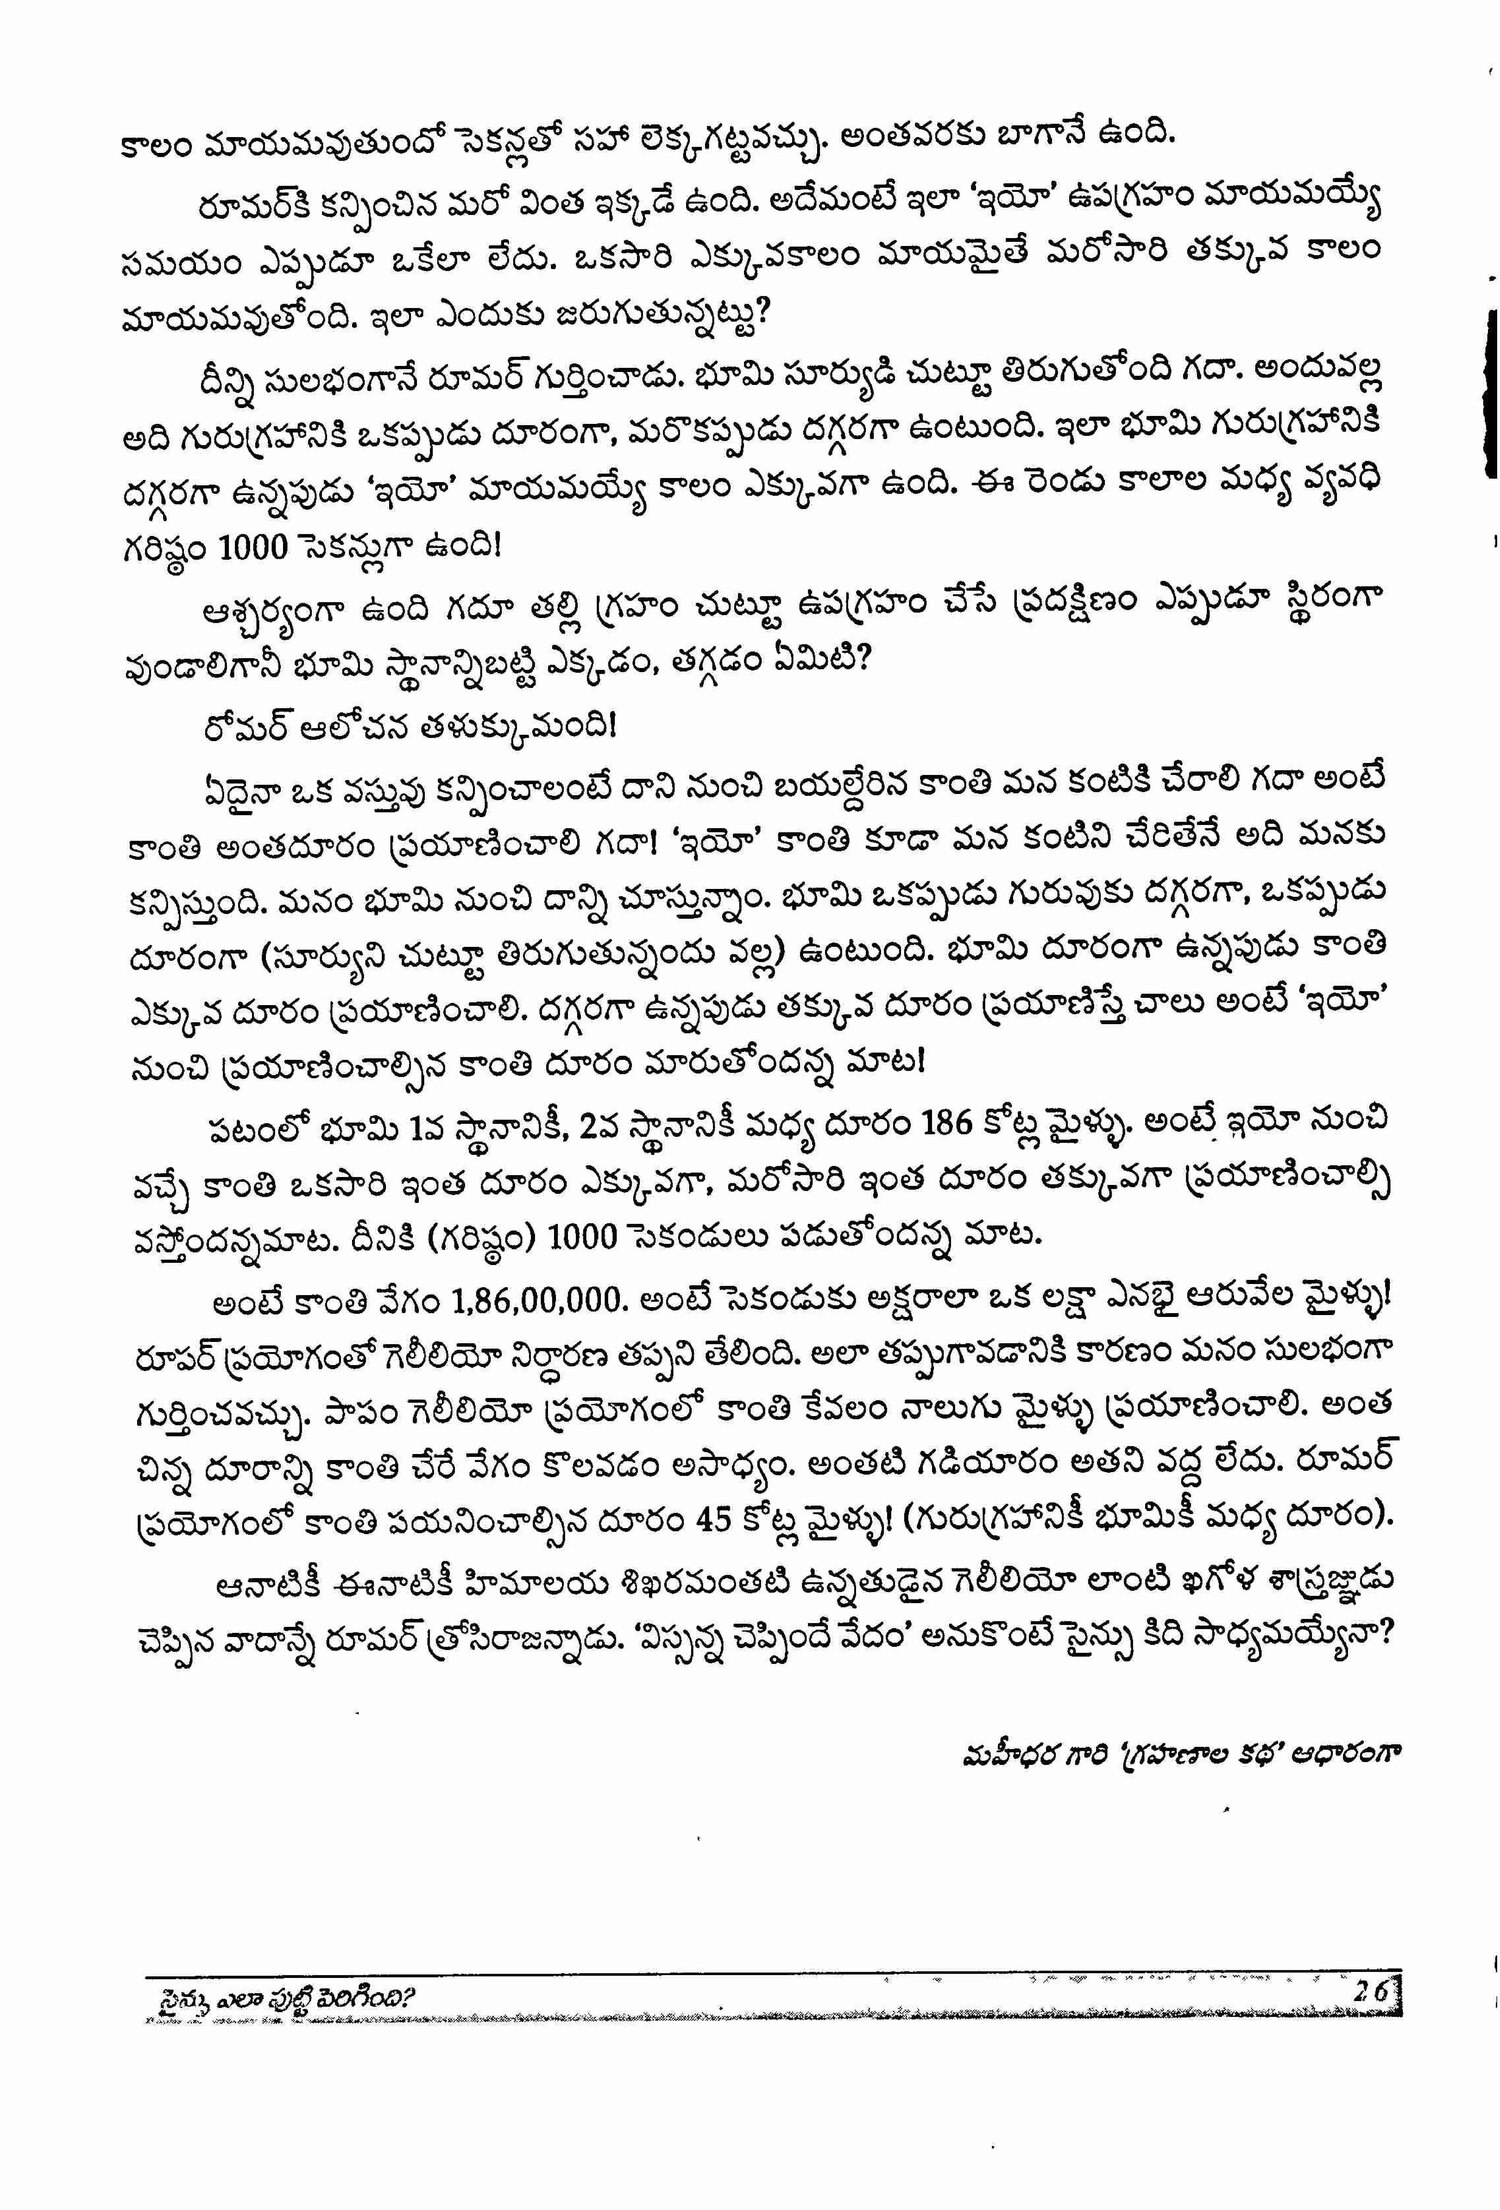కాలం మాయమవుతుందో సెకన్లతో సహా లెక్కగట్టవచ్చు. అంతవరకు బాగానే ఉంది.

రూమర్‌కి కన్పించిన మరో వింత ఇక్కడే ఉంది. అదేమంటే ఇలా 'ఇయో' ఉపగ్రహం మాయమయ్యే సమయం ఎప్పుడూ ఒకేలా లేదు. ఒకసారి ఎక్కువకాలం మాయమైతే మరోసారి తక్కువ కాలం మాయమవుతోంది. ఇలా ఎందుకు జరుగుతున్నట్టు?

దీన్ని సులభంగానే రూమర్ గుర్తించాడు. భూమి సూర్యుడి చుట్టూ తిరుగుతోంది గదా. అందువల్ల అది గురుగ్రహానికి ఒకప్పుడు దూరంగా, మరొకప్పుడు దగ్గరగా ఉంటుంది. ఇలా భూమి గురుగ్రహానికి దగ్గరగా ఉన్నపుడు 'ఇయో' మాయమయ్యే కాలం ఎక్కువగా ఉంది. ఈ రెండు కాలాల మధ్య వ్యవధి గరిష్ఠం 1000 సెకన్లుగా ఉంది!

ఆశ్చర్యంగా ఉంది గదూ తల్లి గ్రహం చుట్టూ ఉపగ్రహం చేసే ప్రదక్షిణం ఎప్పుడూ స్థిరంగా వుండాలిగానీ భూమి స్థానాన్నిబట్టి ఎక్కడం, తగ్గడం ఏమిటి?

రోమర్ ఆలోచన తళుక్కుమంది!

ఏదైనా ఒక వస్తువు కన్పించాలంటే దాని నుంచి బయల్దేరిన కాంతి మన కంటికి చేరాలి గదా అంటే కాంతి అంతదూరం ప్రయాణించాలి గదా! 'ఇయో' కాంతి కూడా మన కంటిని చేరితేనే అది మనకు కన్పిస్తుంది. మనం భూమి నుంచి దాన్ని చూస్తున్నాం. భూమి ఒకప్పుడు గురువుకు దగ్గరగా, ఒకప్పుడు దూరంగా (సూర్యుని చుట్టూ తిరుగుతున్నందు వల్ల) ఉంటుంది. భూమి దూరంగా ఉన్నపుడు కాంతి ఎక్కువ దూరం ప్రయాణించాలి. దగ్గరగా ఉన్నపుడు తక్కువ దూరం ప్రయాణిస్తే చాలు అంటే 'ఇయో' నుంచి ప్రయాణించాల్సిన కాంతి దూరం మారుతోందన్న మాట!

పటంలో భూమి 1వ స్థానానికీ, 2వ స్థానానికీ మధ్య దూరం 186 కోట్ల మైళ్ళు. అంటే ఇయో నుంచి వచ్చే కాంతి ఒకసారి ఇంత దూరం ఎక్కువగా, మరోసారి ఇంత దూరం తక్కువగా ప్రయాణించాల్సి వస్తోందన్నమాట. దీనికి (గరిష్ఠం) 1000 సెకండులు పడుతోందన్న మాట.

అంటే కాంతి వేగం 1,86,00,000. అంటే సెకండుకు అక్షరాలా ఒక లక్షా ఎనభై ఆరువేల మైళ్ళు! రూపర్ ప్రయోగంతో గెలీలియో నిర్ధారణ తప్పని తేలింది. అలా తప్పుగావడానికి కారణం మనం సులభంగా గుర్తించవచ్చు. పాపం గెలీలియో ప్రయోగంలో కాంతి కేవలం నాలుగు మైళ్ళు ప్రయాణించాలి. అంత చిన్న దూరాన్ని కాంతి చేరే వేగం కొలవడం అసాధ్యం. అంతటి గడియారం అతని వద్ద లేదు. రూమర్ ప్రయోగంలో కాంతి పయనించాల్సిన దూరం 45 కోట్ల మైళ్ళు! (గురుగ్రహానికీ భూమికీ మధ్య దూరం).

ఆనాటికీ ఈనాటికీ హిమాలయ శిఖరమంతటి ఉన్నతుడైన గెలీలియో లాంటి ఖగోళ శాస్త్రజ్ఞుడు చెప్పిన వాదాన్నే రూమర్ త్రోసిరాజన్నాడు. 'విస్సన్న చెప్పిందే వేదం' అనుకొంటే సైన్సు కిది సాధ్యమయ్యేనా?